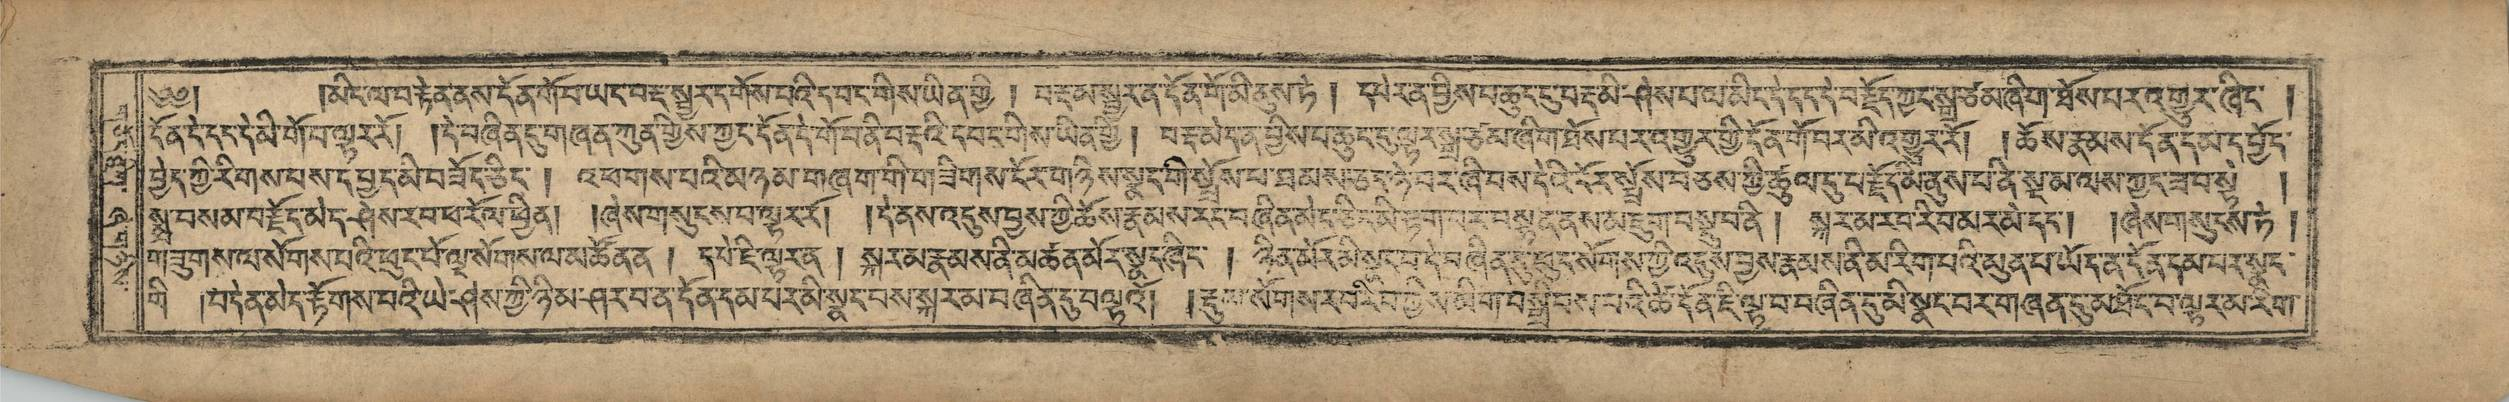༄༅། །མིང་ལ་བརྟེན་ནས་དོན་གོ་བ་ཡང་བརྡ་སྦྱར་དགོས་པའི་དབང་གིས་ཡིན་གྱི། བརྡ་མ་སྦྱར་ན་དོན་གོ་མི་ནུས་ཏེ། དཔེར་ན་བྱིས་པ་ཆུང་ངུ་བརྡ་མི་ཤེས་པ་ལ་མིང་དེ་དང་དེ་བརྗོད་ཀྱང་སྒྲ་ཙམ་ཞིག་ཐོས་པར་འགྱུར་ཞིང་།
དོན་དེ་དང་དེ་མི་གོ་བ་ལྟར་རོ། །དེ་བཞིན་དུ་གཞན་ཀུན་གྱིས་ཀྱང་དོན་དེ་གོ་བ་ནི་བརྡའི་དབང་གིས་ཡིན་གྱི། བརྡ་མེད་ན་བྱིས་པ་ཆུང་ངུ་ལྟར་སྒྲ་ཙམ་ཞིག་ཐོས་པར་འགྱུར་གྱི་དོན་གོ་བར་མི་འགྱུར་རོ། །ཆོས་རྣམས་དོན་དམ་དཔྱོད་
བྱེད་ཀྱི་རིགས་པས་དཔྱད་མི་བཟོད་ཅིང་། འཕགས་པའི་མཉམ་གཞག་གི་གཟིགས་ངོར་གཉིས་སྣང་གི་སྤྲོས་པ་ཐམས་ཅད་ཉེ་བར་ཞི་བས་དེའི་ངོར་སྤྲོས་བཅས་ཀྱི་ཚུལ་དུ་བརྗོད་མི་ནུས་པ་ནི་སྔ་མ་ལས་ཀྱང་ཟབ་སྟེ།
སྨྲ་བསམ་བརྗོད་མེད་ཤེས་རབ་ཕ་རོལ་ཕྱིན། །ཞེས་གསུངས་པ་ལྟར་རོ། །དེ་ནས་འདུས་བྱས་ཀྱི་ཆོས་རྣམས་རང་བཞིན་མེད་ཅིང་མི་རྟག་པར་བསྟན་ནས་མཇུག་བསྡུ་བ་ནི། སྐར་མ་རབ་རིབ་མར་མེ་དང་། །ཞེས་གསུངས་ཏེ།
གཟུགས་ལ་སོགས་པའི་ཕུང་པོ་ལྔ་སོགས་ལ་མཚོན་ན། དཔེ་ཇི་ལྟར་ན། སྐར་མ་རྣམས་ནི་མཚན་མོར་སྣང་ཞིང་། ཉིན་མོར་མི་སྣང་བ་དེ་བཞིན་དུ་ཕུང་སོགས་ཀྱི་འདུས་བྱས་རྣམས་ནི་མ་རིག་པའི་མུན་པ་ཡོད་ན་དོན་དམ་པར་སྟོང་
གི །བདེན་མེད་རྟོགས་པའི་ཡེ་ཤེས་ཀྱི་ཉི་མ་ཤར་བ་ན་དོན་དམ་པར་མི་སྣང་བས་སྐར་མ་བཞིན་དུ་བལྟའོ། །རྡུལ་སོགས་རབ་རིབ་ཀྱིས་མིག་བསྒྲིབས་པའི་ཚེ་དོན་ཇི་ལྟ་བ་བཞིན་དུ་མི་སྣང་བར་གཞན་དུ་མཐོང་བ་ལྟར་མ་རིག་